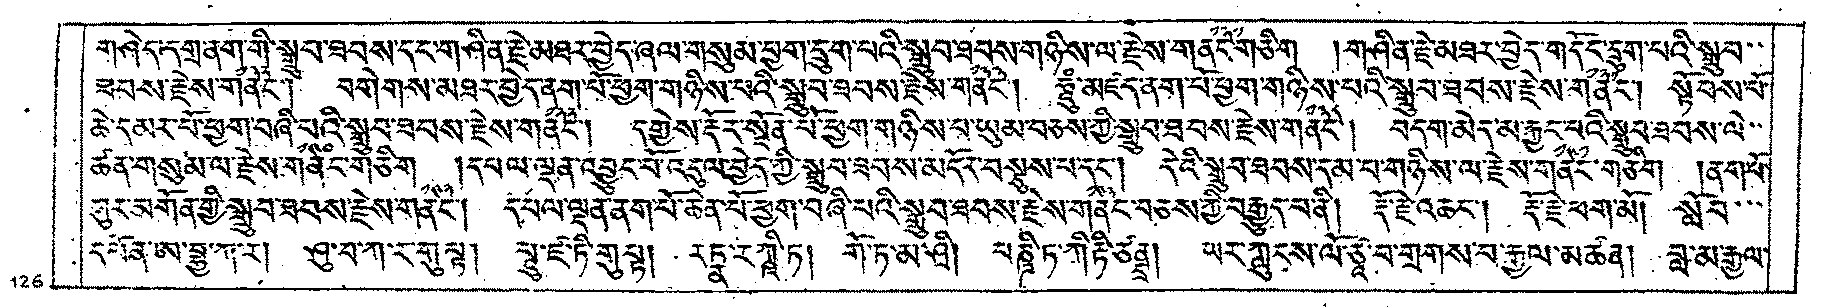གཤེད་དགྲ་ནག་གི་སྒྲུབ་ཐབས་དང་གཤིན་རྗེ་མཐར་བྱེད་ཞལ་གསུམ་ཕྱག་དྲུག་པའི་སྒྲུབ་ཐབས་གཉིས་ལ་རྗེས་གནང ༡༣༡་གཅིག །གཤིན་རྗེ་མཐར་བྱེད་གདོང་དྲུག་པའི་སྒྲུབ་
ཐབས་རྗེས་གནང ༡༣༣། བགེགས་མཐར་བྱེད་ནག་པོ་ཕྱག་གཉིས་པའི་སྒྲུབ་ཐབས་རྗེས་གནང ༡༢༣། ཧཱུཾ་མཛད་ནག་པོ་ཕྱག་གཉིས་པའི་སྒྲུབ་ཐབས་རྗེས་གནང ༡༢༡། སྟོབས་པོ་
ཆེ་དམར་པོ་ཕྱག་བཞི་པའི་སྒྲུབ་ཐབས་རྗེས་གནང ༡༢༢། དགྱེས་རྡོར་སྔོན་པོ་ཕྱག་གཉིས་པ་ཡུམ་བཅས་ཀྱི་སྒྲུབ་ཐབས་རྗེས་གནང ༡༣༨། བདག་མེད་མ་རྐྱང་པའི་སྒྲུབ་ཐབས་ལེ་
ཚན་གསུམ་ལ་རྗེས་གནང ༡༤༠་གཅིག །དཔལ་ལྡན་འབྱུང་པོ་འདུལ་བྱེད་ཀྱི་སྒྲུབ་ཐབས་མདོར་བསྡུས་པ་དང་། དེའི་སྒྲུབ་ཐབས་དམ་པ་གཉིས་ལ་རྗེས་གནང ༡༤༡་གཅིག །ནག་པོ་
གུར་མགོན་གྱི་སྒྲུབ་ཐབས་རྗེས་གནང ༡༤༢། དཔལ་ལྡན་ནག་པོ་ཆེན་པོ་ཕྱག་བཞི་པའི་སྒྲུབ་ཐབས་རྗེས་གནང ༡༤༢་བཅས་ཀྱི་བརྒྱུད་པ་ནི། རྡོ་རྗེ་འཆང་། རྡོ་རྗེ་ཕག་མོ། སློབ་
དཔོན་ཨ་བྷྱ་ཀ་ར། ཤུ་བ་ཀ་ར་གུཔྟ། པཱུ་ཛ་ཏི་གུཔྟ། རཏྣ་རཀྵི་ཏ། གོ་ཏ་མ་ཤྲི། པཎྜི་ཏ་ཀི་རྟི་ཙནྡྲ། ཡར་ཀླུངས་ལོ་ཙཱ་བ་གྲགས་པ་རྒྱལ་མཚན། བླ་མ་རྒྱལ་